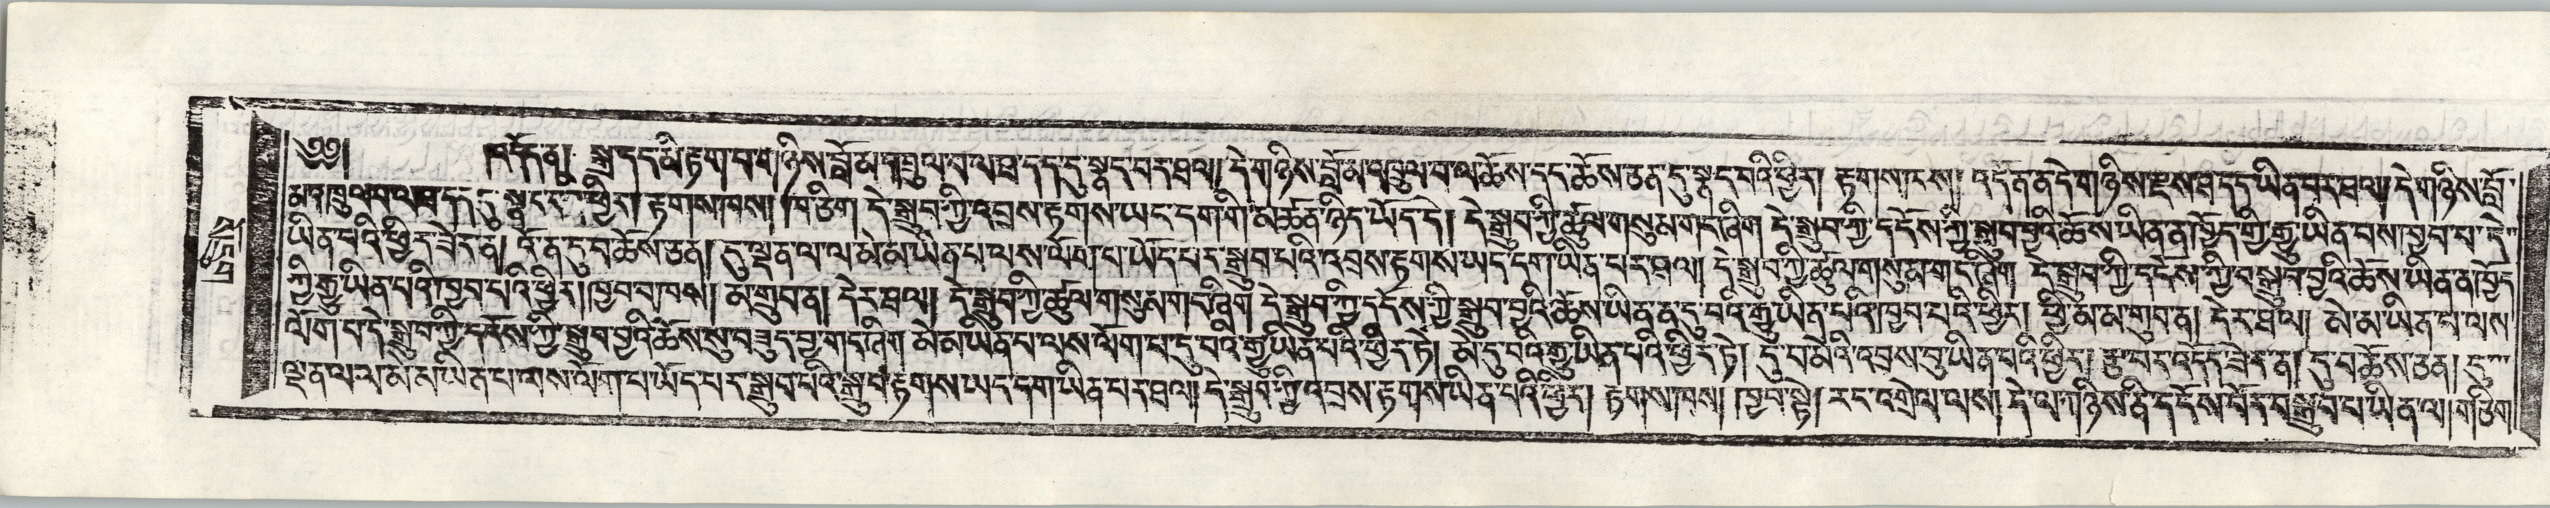༄༅། །འདོད་ན། སྒྲ་དང་མི་རྟག་པ་གཉིས་བློ་མ་འཁྲུལ་བ་ལ་ཐ་དད་དུ་སྣང་བར་ཐལ། དེ་གཉིས་བློ་མ་འཁྲུལ་བ་ལ་ཆོས་དང་ཆོས་ཅན་དུ་སྣང་བའི་ཕྱིར། རྟགས་ཁས། འདོད་ན་དེ་གཉིས་རྫས་ཐ་དད་ཡིན་པར་ཐལ། དེ་གཉིས་བློ་
མ་འཁྲུལ་བ་ལ་ཐ་དད་དུ་སྣང་བའི་ཕྱིར། རྟགས་ཁས། ཁ་ཅིག། དེ་སྒྲུབ་ཀྱི་འབྲས་རྟགས་ཡང་དག་གི་མཚན་ཉིད་ཡོད་དེ། དེ་སྒྲུབ་ཀྱི་ཚུལ་གསུམ་གང་ཞིག །དེ་སྒྲུབ་ཀྱི་དངོས་ཀྱི་བསྒྲུབ་བྱའི་ཆོས་ཡིན་ན་ཁྱོད་གྱི་རྒྱུ་ཡིན་པས་ཁྱབ་པ་དེ་
ཡིན་པའི་ཕྱིར་ཟེར་ན། འོ་ན་དུ་བ་ཆོས་ཅན། དུ་ལྡན་ལ་ལ་མེ་མ་ཡིན་པ་ལས་ལོག་པ་ཡོད་པར་སྒྲུབ་པའི་འབྲས་རྟགས་ཡང་དག་ཡིན་པར་ཐལ། དེ་སྒྲུབ་ཀྱི་ཚུལ་གསུམ་གང་ཞིག །དེ་སྒྲུབ་ཀྱི་དངོས་ཀྱི་བསྒྲུབ་བྱའི་ཆོས་ཡིན་ན་ཁྱོད་
ཀྱི་རྒྱུ་ཡིན་པའི་ཁྱབ་པའི་ཕྱིར། ཁྱབ་པ་ཁས། མ་གྲུབ་ན། དེར་ཐལ། དེ་སྒྲུབ་ཀྱི་ཚུལ་གསུམ་གང་ཞིག །དེ་སྒྲུབ་ཀྱི་དངོས་ཀྱི་བསྒྲུབ་བྱའི་ཆོས་ཡིན་ན་དུ་བའི་རྒྱུ་ཡིན་པའི་ཁྱབ་པའི་ཕྱིར། ཕྱི་མ་མ་གྲུབ་ན། དེར་ཐལ། མེ་མ་ཡིན་པ་ལས་
ལོག་པ་དེ་སྒྲུབ་ཀྱི་དངོས་ཀྱི་བསྒྲུབ་བྱའི་ཆོས་སུ་བཟུང་བྱ་གང་ཞིག །མེ་མ་ཡིན་པ་ལས་ལོག་པ་དུ་བའི་རྒྱུ་ཡིན་པའི་ཕྱིར་ཏེ། མེ་དུ་བའི་རྒྱུ་ཡིན་པའི་ཕྱིར་ཏེ། དུ་བ་མེའི་འབྲས་བུ་ཡིན་པའི་ཕྱིར། རྩ་བར་འདོད་ཟེར་ན། དུ་བ་ཆོས་ཅན། དུ་
ལྡན་ལ་ལ་མེ་མ་ཡིན་པ་ལས་ལོག་པ་ཡོད་པར་སྒྲུབ་པའི་སྒྲུབ་རྟགས་ཡང་དག་ཡིན་པར་ཐལ། དེ་སྒྲུབ་ཀྱི་འབྲས་རྟགས་ཡིན་པའི་ཕྱིར། རྟགས་ཁས། ཁྱབ་སྟེ། རང་འགྲེལ་ལས། དེ་ལ་གཉིས་ནི་དངོས་པོར་བསྒྲུབས་པ་ཡིན་ལ། གཅིག་